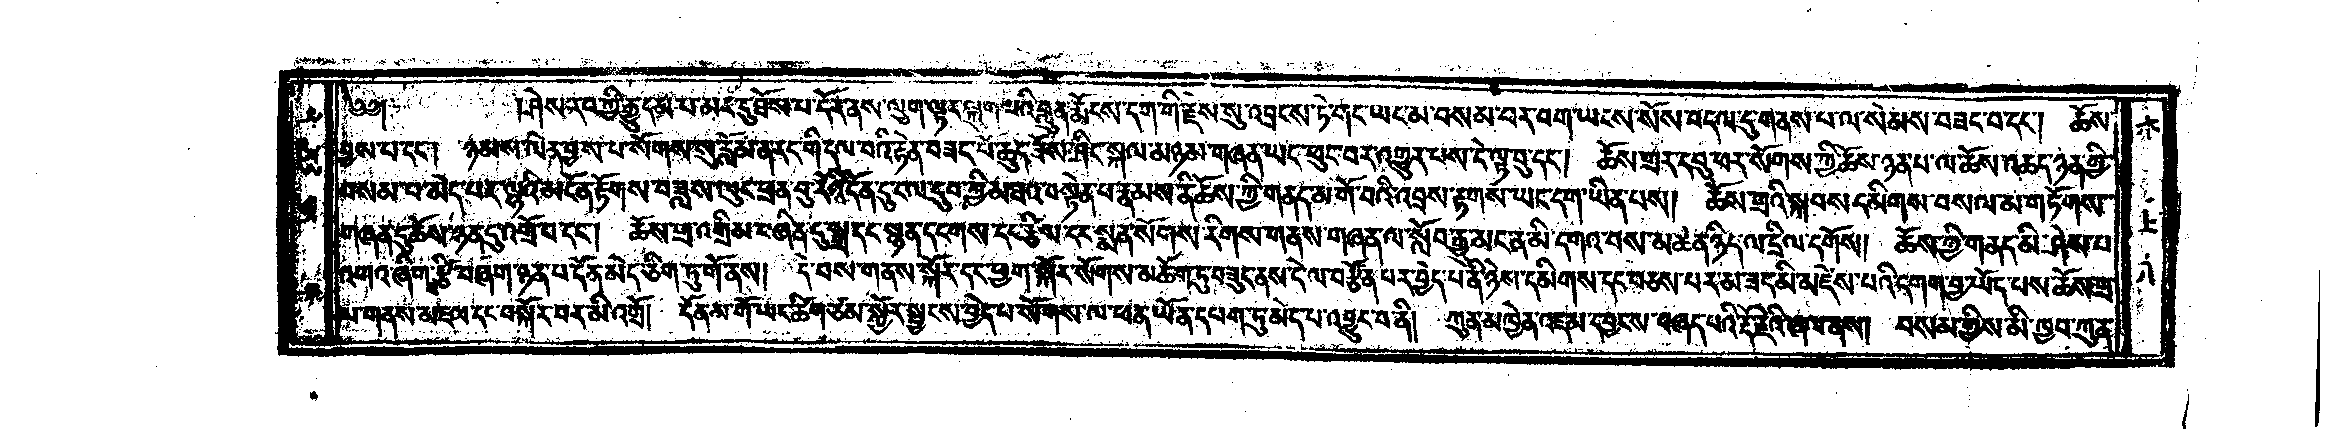༄༅། །ཤེས་རབ་ཀྱི་རྒྱུ་དམ་པ་མང་དུ་ཐོས་པ་དོར་ནས་ལུག་ལྟར་ལྐུག་པའི་བླུན་རྨོངས་དག་གི་རྗེས་སུ་འབྲངས་ཏེ་གང་ཡང་མ་བསམ་པར་བག་ཡངས་སོས་བདལ་དུ་གནས་པ་ལ་སེམས་བཟང་བ་དང་། ཆོས་
བྱས་པ་དང་། ཉམས་ལེན་བྱས་པ་སོགས་སུ་རློམ་ན་རང་གི་དལ་བའི་རྟེན་བཟང་པོ་ཆུད་ཟོས་ཤིང་སྐལ་མཉམ་གཞན་ཡང་ཕུང་བར་འགྱུར་པས་དེ་ལྟ་བུ་དང་། ཆོས་གྲར་དབུ་ཕར་སོགས་ཀྱི་ཆོས་ཉན་པ་ལ་ཆོས་འཆད་ཉན་གྱི་
བསམ་པ་མེད་པར་ལྷའི་མངོན་རྟོགས་བཟླས་ལུང་ཕྲན་བུ་རེའི་དོན་དུ་ངལ་དུབ་ཀྱི་མཐའ་བསྟེན་པ་རྣམས་ནི་ཆོས་ཀྱི་གནད་མ་གོ་བའི་འབྲས་རྟགས་ཡང་དག་ཡིན་པས། ཆོས་གྲའི་སྐབས་དམིགས་བསལ་མ་གཏོགས་
གཞན་དུ་ཆོས་ཉན་དུ་འགྲོ་བ་དང་། ཆོས་གྲ་འགྲིམ་བཞིན་དུ་སྒྲ་དང་སྙན་དངགས་དང་རྩིས་དང་སྨན་སོགས་རིགས་གནས་གཞན་ལ་སློབ་རྒྱུ་མང་ན་མི་དགའ་བས་མཚན་ཉིད་ལ་དྲིལ་དགོས། ཆོས་ཀྱི་གནད་མི་ཤེས་པ་
འགའ་ཞིག་བརྩི་བཞག་ཉན་པ་དོན་མེད་ཅིག་ཏུ་གོ་ནས། དེ་བས་གནས་སྐོར་དང་ཕྱག་སྐོར་སོགས་མཆོག་ཏུ་བཟུང་ནས་དེ་ལ་བརྩོན་པར་བྱེད་པ་ནི་ཉེས་དམིགས་དང་བཅས་པར་མ་ཟད་མི་མཛེས་པའི་དགག་བྱ་ཡོད་པས་ཆོས་གྲ་
པ་གནས་མཇལ་དང་བསྐོར་བར་མི་འགྲོ། དོན་མ་གོ་ཡང་ཚིག་ཙམ་སྐྱོར་སྦྱངས་བྱེད་པ་སོགས་ལ་ཕན་ཡོན་དཔག་ཏུ་མེད་པ་འབྱུང་བ་ནི། ཀུན་མཁྱེན་འཇམ་དབྱངས་བཞད་པའི་རྡོ་རྗེའི་ཞལ་ནས། བསམ་གྱིས་མི་ཁྱབ་ཀུན་